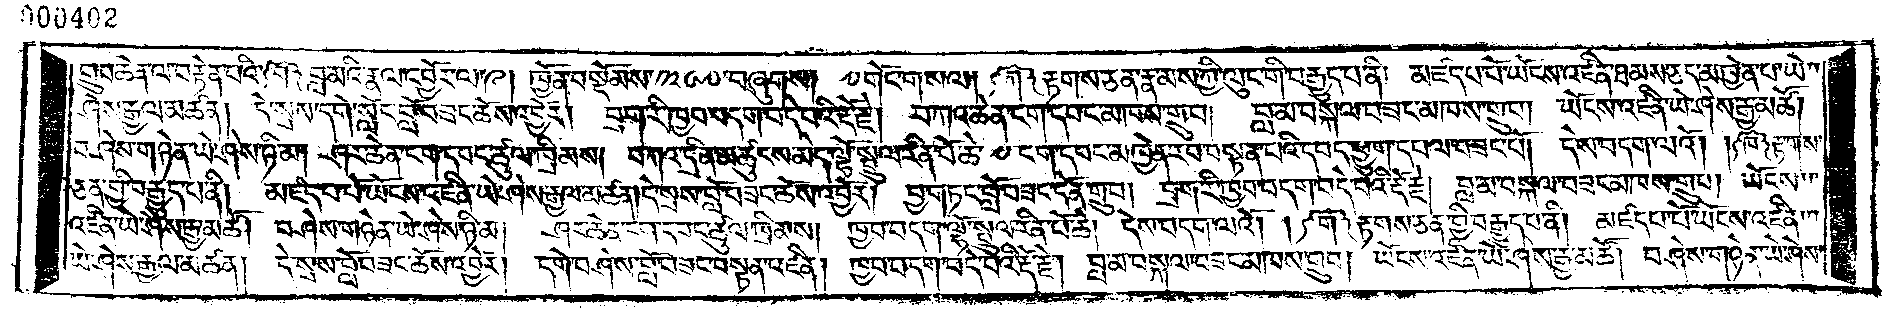གྲུབ་ཆེན་ལ་བརྟེན་པའི ༼བ༽ བླ་མའི་རྣལ་འབྱོར་ལ ༩། ཁྱོན་བསྡོམས ༣༦༠་བཞུགས། ༧གོང་གསལ། ༼ཀ༽ རྟགས་ཅན་རྣམས་ཀྱི་ལུང་གི་བརྒྱུད་པ་ནི། མཛད་པ་པོ་ཡོངས་འཛིན་ཐམས་ཅད་མཁྱེན་པ་ཡེ་
ཤེས་རྒྱལ་མཚན། དེ་སྲས་དགེ་སློང་བློ་བཟང་ཆོས་འབྱོར། བྲག་རི་ཁྱབ་བདག་བདེ་བའི་རྡོ་རྗེ། བཀའ་ཆེན་ངག་དབང་མཁས་གྲུབ། བླ་མ་བསྐལ་བཟང་མཁས་གྲུབ། ཡོངས་འཛིན་ཡེ་ཤེས་རྒྱ་མཚོ།
བཤེས་གཉེན་ཡེ་ཤེས་ཉི་མ། ཤར་ཆེན་ངག་དབང་ཚུལ་ཁྲིམས། བཀའ་དྲིན་མཚུངས་མེད་ལྷོ་སྤྲུལ་རིན་པོ་ཆེ ༧ངག་དབང་མཁྱེན་རབ་བསྟན་པའི་དབང་ཕྱུག་དཔལ་བཟང་པོ། དེས་བདག་ལའོ། །༼ཁ༽ རྟགས་
ཅན་གྱི་བརྒྱུད་པ་ནི། མཛད་པ་པོ་ཡོངས་འཛིན་ཡེ་ཤེས་རྒྱལ་མཚན། དེ་སྲས་བློ་བཟང་ཆོས་འབྱོར། བྱ་གཏང་བློ་བཟང་དོན་གྲུབ། བྲག་རི་ཁྱབ་བདག་བདེ་བའི་རྡོ་རྗེ། བླ་མ་བསྐལ་བཟང་མཁས་གྲུབ། ཡོངས་
ཛིན་ཡེ་ཤེས་རྒྱ་མཚོ། བཤེས་གཉེན་ཡེ་ཤེས་ཉི་མ། ཤར་ཆེན་ངག་དབང་ཚུལ་ཁྲིམས། ཁྱབ་བདག་ལྷོ་སྤྲུལ་རིན་པོ་ཆེ། དེས་བདག་ལའོ། །༼ག༽ རྟགས་ཅན་གྱི་བརྒྱུད་པ་ནི། མཛད་པ་པོ་ཡོངས་འཛིན་
ཡེ་ཤེས་རྒྱལ་མཚན། དེ་སྲས་བློ་བཟང་ཆོས་འབྱོར། དགེ་བཤེས་བློ་བཟང་བསྟན་འཛིན། ཁྱབ་བདག་བདེ་བའི་རྡོ་རྗེ། བླ་མ་བསྐལ་བཟང་མཁས་གྲུབ། ཡོངས་འཛིན་ཡེ་ཤེས་རྒྱ་མཚོ། བཤེས་གཉེན་ཡེ་ཤེས་